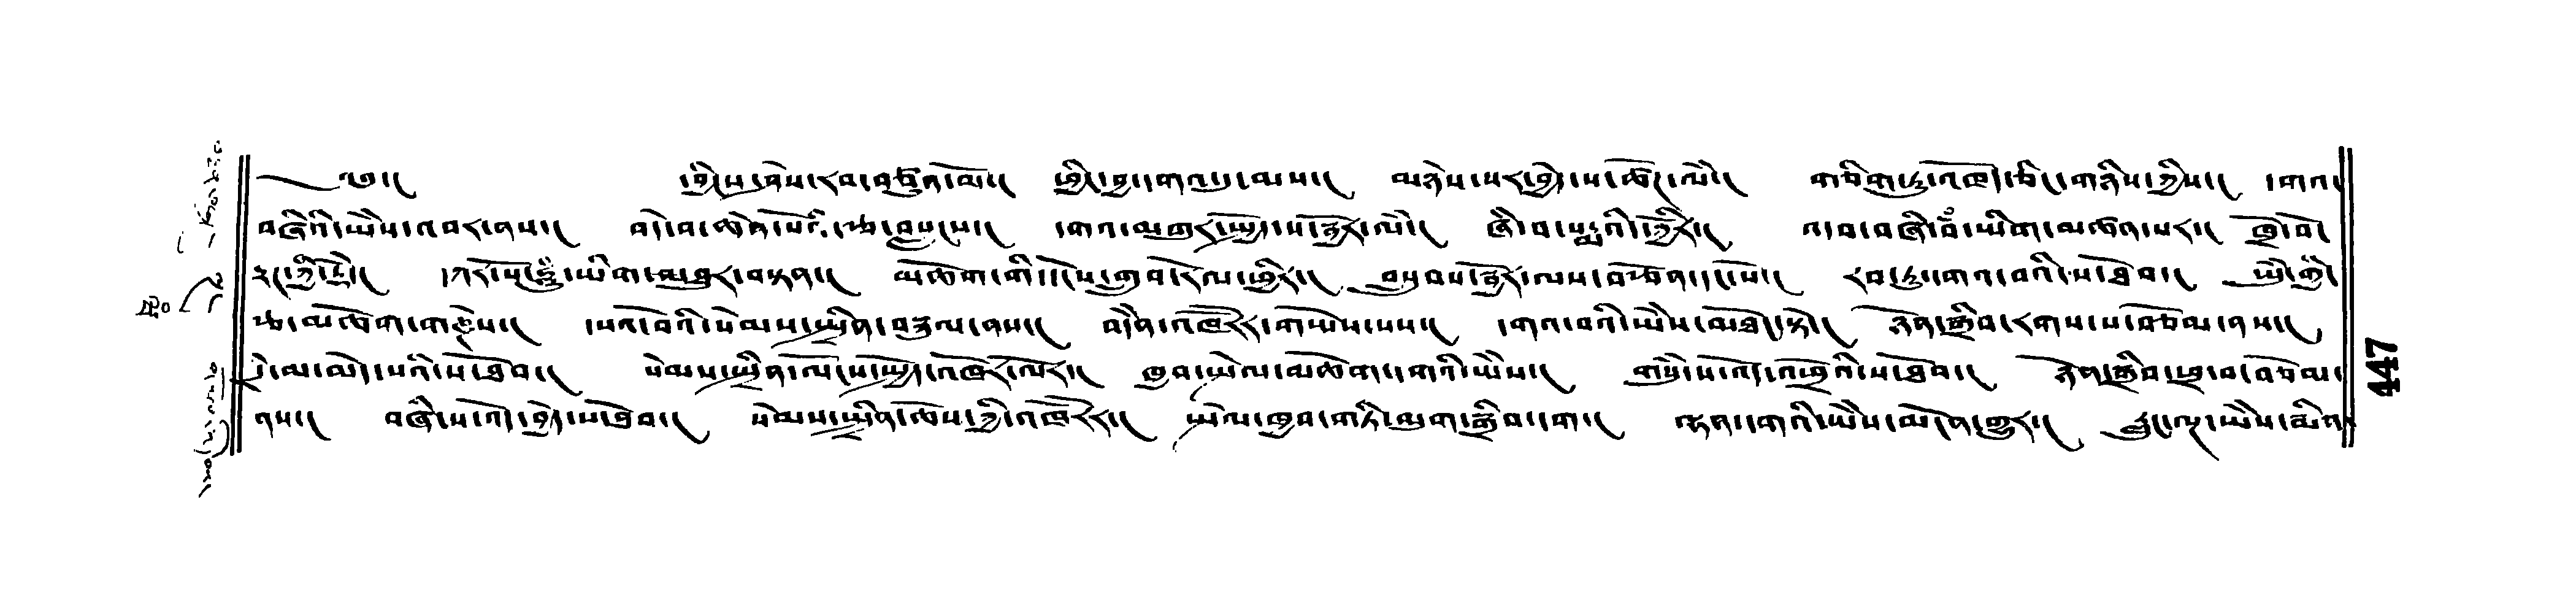དབྱིངས་ཤེས་རབ་བཙུན་མོ། །ཕྱི་ནང་བྱ་དགའ་དུ་མས། །མཉེས་པར་བྱེད་པ་ཚོགས་ལམ། །གཅིག་ཏུ་འཁོད་ཅིང་གཉིས་ཀྱིས། །དགའ་
བཞིའི་ཡེ་ཤེས་འབར་ནས། །བདེ་བ་ཆེན་པོའི་རྩ་བསླངས། །དགའ་མགུར་སྤྱོད་པ་སྦྱོར་ལམ། །ཞི་བ་པདྨའི་དཀྱིལ་འཁོར། །འདབ་བཞི་བྃ་ཡིག་མཚན་པར། ཁྲོ་བོ་
རྟགས་ཀྱི་རྡོ་རྗེ། །དཀར་པོ་ཧཱུྃ་ཡིག་མཐུར་བསྟན། །མཆོག་གི་དངོས་གྲུབ་རོལ་ཕྱིར། །བསྲུབས་སྦྱོར་ལས་བརྩོན་དང་པོ། །རབ་ཏུ་དགའ་བའི་ས་ཐོབ། །ཡུམ་གྱི་
རྩ་མཆོག་གཎྜེས། །དཔའ་བོའི་སེམས་སྤྲིན་བསྐུལ་ནས། །བདེ་ཆེན་འཁོར་ལོར་གཡོས་པས། །དགའ་བའི་ཡེ་ཤེས་མཐོང་སྟེ། །ཉོན་སྒྲིབ་རགས་པ་བཅོམ་ནས། །
དྲི་མ་མེད་པའི་ས་ཐོབ། །སེམས་སྤྲིན་ལོངས་སྤྱོད་འཁོར་ལོར། ཁྱབ་སྤེལ་མཆོག་དགའི་ཡེ་ཤེས། །གསུམ་པ་འོད་འཕྲོའི་ས་ཐོབ། །ཉོན་སྒྲིབ་ཕྲ་བ་བཅོམ་
ནས། །བཞི་པ་འོད་བྱེད་ས་ཐོབ། །སེམས་སྤྲིན་ཆོས་ཀྱི་འཁོར་ལོར། །སྤེལ་ཁྱབ་གཏི་མུག་སྒྲིབ་དག །ལྷན་དགའི་ཡེ་ཤེས་མངོན་གྱུར། །རླུང་ལྔ་ཡེ་ཤེས་སྨིན་